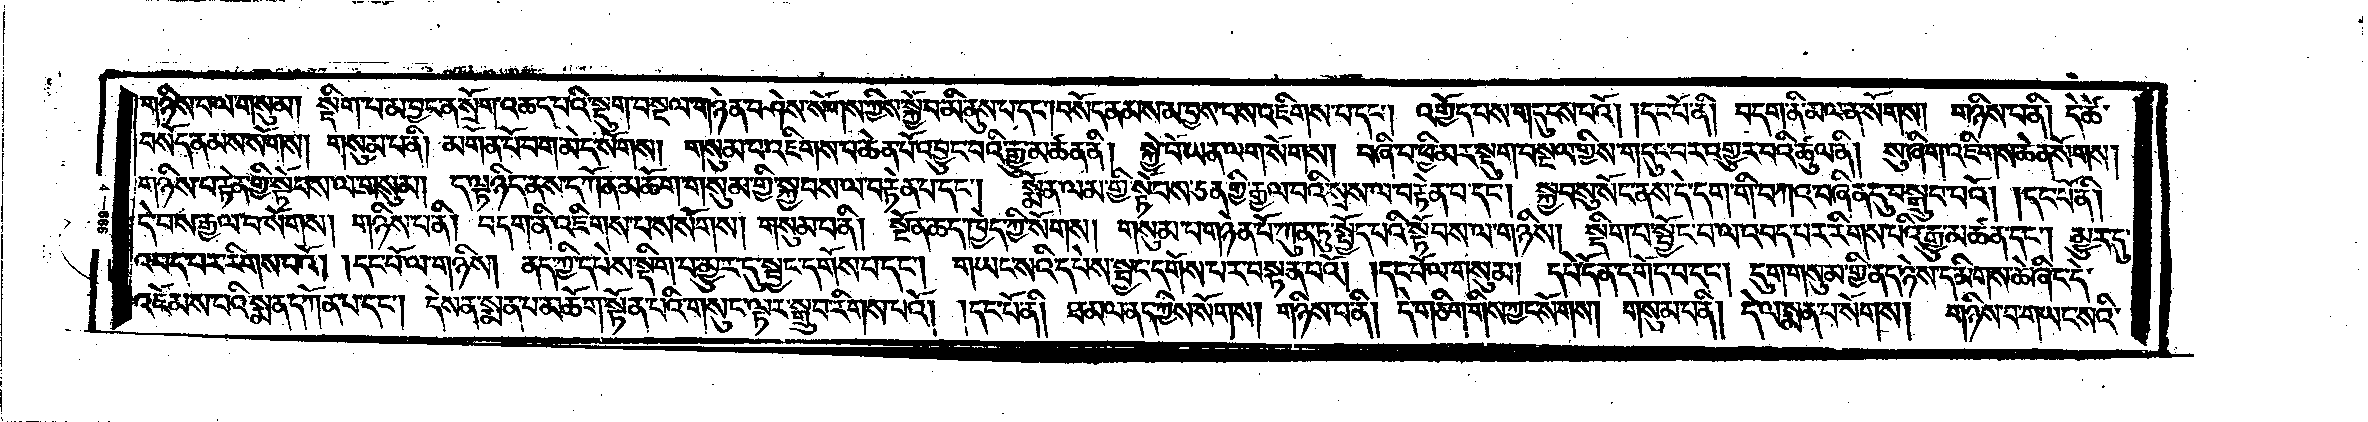གཉིས་པ་ལ་གསུམ། སྡིག་པ་མ་བྱང་ན་སྲོག་འཆད་པའི་སྡུག་བསྔལ་གཉེན་བཤེས་སོགས་ཀྱིས་སྐྱོབ་མི་ནུས་པ་དང་། བསོད་ནམས་མ་བྱས་པས་འཇིགས་པ་དང་། འགྱོད་པས་གདུངས་པའོ། །དང་པོ་ནི། བདག་ནི་མལ་ན་སོགས། གཉིས་པ་ནི། དེ་ཚེ་
བསོད་ནམས་སོགས། གསུམ་པ་ནི། མགོན་པོ་བག་མེད་སོགས། གསུམ་པ་འཇིགས་པ་ཆེན་པོ་འབྱུང་བའི་རྒྱུ་མཚན་ནི། སྐྱེ་བོ་ཡན་ལག་སོགས། བཞི་པ་ཕྱི་མར་སྡུག་བསྔལ་གྱིས་གདུང་བར་འགྱུར་བའི་ཚུལ་ནི། སུ་ཞིག་འཇིགས་ཆེན་སོགས།
གཉིས་བ་རྟེན་གྱི་སྟོབས་ལ་གསུམ། ད་ལྟ་ཉིད་ནས་དཀོན་མཆོག་གསུམ་གྱི་སྐྱབས་ལ་བརྟེན་པ་དང་། སྨོན་ལམ་གྱི་སྟོབས་ཅན་གྱི་རྒྱལ་བའི་སྲས་ལ་བརྟེན་པ་དང་། སྐྱབས་སུ་སོང་ནས་དེ་དག་གི་བཀའ་བཞིན་དུ་བསྒྲུབ་པའོ། །དང་པོ་ནི།
དེ་བས་རྒྱལ་བ་སོགས། གཉིས་པ་ནི། བདག་ནི་འཇིགས་པས་སོགས། གསུམ་པ་ནི། སྔོན་ཆད་ཁྱེད་ཀྱི་སོགས། གསུམ་པ་གཉེན་པོ་ཀུན་ཏུ་སྤྱོད་པའི་སྟོབས་ལ་གཉིས། སྡིག་པ་སྦྱོང་བ་ལ་འབད་པར་རིགས་པའི་རྒྱུ་མཚན་དང་། མྱུར་དུ་
འབད་པར་རིགས་པའོ། །དང་པོ་ལ་གཉིས། ནད་ཀྱི་དཔེས་སྡིག་པ་མྱུར་དུ་སྦྱང་དགོས་པ་དང་། གཡང་སའི་དཔེས་སྦྱང་དགོས་པར་བསྟན་པའོ། །དང་པོ་ལ་གསུམ། དཔེ་དོན་དགོད་པ་དང་། དུག་གསུམ་གྱི་ནད་ཉེས་དམིགས་ཆེ་ཞིང་དེ་
འཇོམས་པའི་སྨན་དཀོན་པ་དང་། དེས་ན་སྨན་པ་མཆོག་སྟོན་པའི་གསུང་ལྟར་སྒྲུབ་རིགས་པའོ། །དང་པོ་ནི། ཐ་མལ་ནད་ཀྱིས་སོགས། གཉིས་པ་ནི། དེ་གཅིག་གིས་ཀྱང་སོགས། གསུམ་པ་ནི། དེ་ལ་སྨན་པ་སོགས། གཉིས་པ་གཡང་སའི་